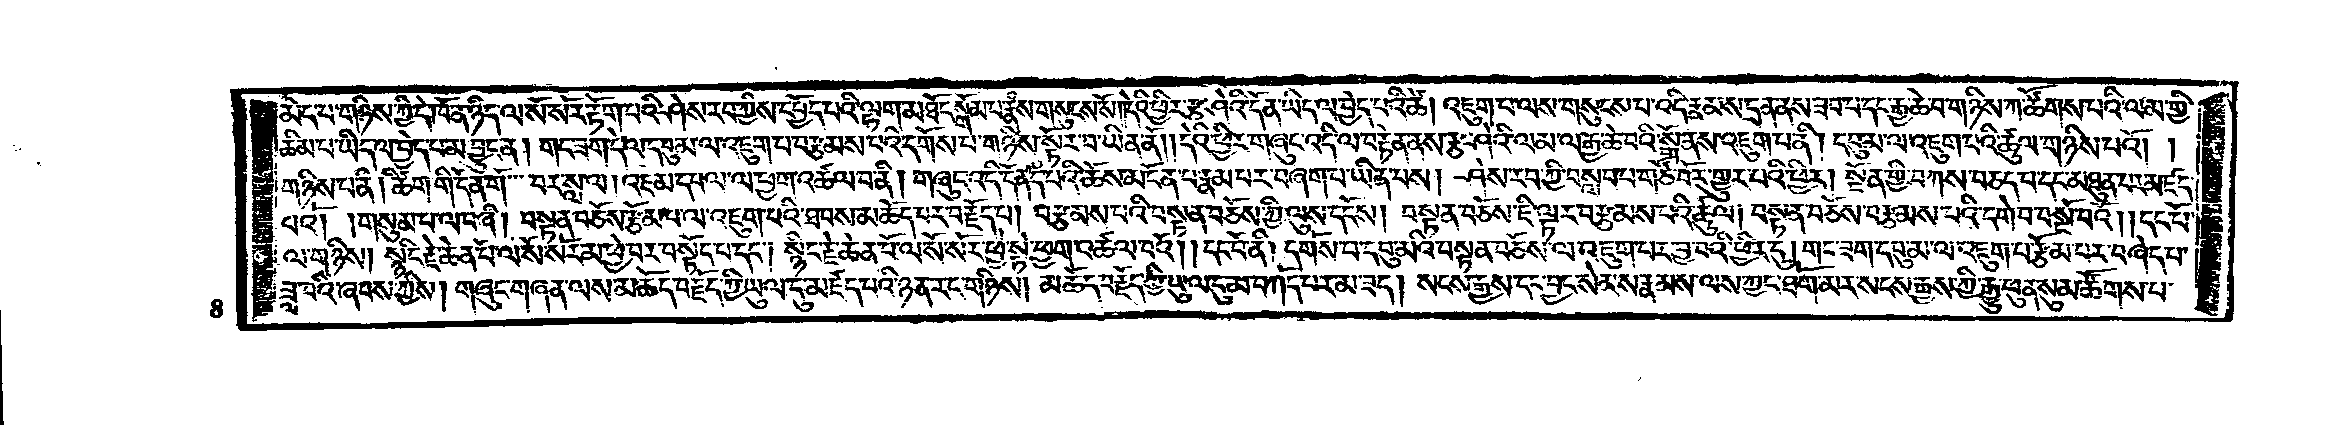མེད་པ་གཉིས་ཀྱི་དེ་ཁོ་ན་ཉིད་ལ་སོ་སོར་རྟོག་པའི་ཤེས་རབ་ཀྱིས་དཔྱོད་པའི་ལྷག་མཐོང་སྒོམ་པ་རྣམས་གསུངས་སོ། །དེའི་ཕྱིར་རྩ་ཤེའི་དོན་ཡིད་ལ་བྱེད་པའི་ཚེ། འཇུག་པ་ལས་གསུངས་པ་འདི་རྣམས་དྲན་ནས་ཟབ་པ་དང་རྒྱ་ཆེ་བ་གཉིས་ཀ་ཚོགས་པའི་ལམ་གྱི་
རིམ་པ་ཡིད་ལ་བྱེད་པ་མ་བྱུང་ན། གང་ཟག་དེ་ལ་དབུ་མ་ལ་འཇུག་པ་བརྩམས་པའི་དགོས་པ་གཉིས་སྟོར་བ་ཡིན་ནོ། །དེའི་ཕྱིར་གཞུང་འདི་ལ་བརྟེན་ནས་རྩ་ཤེའི་ལམ་ལ་རྒྱ་ཆེ་བའི་སྒོ་ནས་འཇུག་པ་ནི། དབུ་མ་ལ་འཇུག་པའི་ཚུལ་གཉིས་པའོ། །
གཉིས་པ་ནི། ཚིག་གི་དོན་གོ་བར་སླ་ལ། འཇམ་དཔལ་ལ་ཕྱག་འཚལ་བ་ནི། གཞུང་འདི་དོན་དི་པའི་ཆོས་མངོན་པ་རྣམ་པར་བཞག་པ་ཡིན་པས། ཤེས་རབ་ཀྱི་བསླབ་པ་གཙོ་བོར་གྱུར་པའི་ཕྱིར། སྔོན་གྱི་བཀས་བཅད་པ་དང་མཐུན་པར་མཛད་
པའོ། །གསུམ་པ་ལ་བཞི། བསྟན་བཅོས་རྩོམ་པ་ལ་འཇུག་པའི་ཐབས་མཆོད་པར་བརྗོད་པ། བརྩམས་པའི་བསྟན་བཅོས་ཀྱི་ལུས་དངོས། བསྟན་བཅོས་ཇི་ལྟར་བརྩམས་པའི་ཚུལ། བསྟན་བཅོས་བརྩམས་པའི་དགེ་བ་བསྔོ་བའོ། །དང་པོ་
ལ་གཉིས། སྙིང་རྗེ་ཆེན་པོ་ལ་སོ་སོར་མ་ཕྱེ་བར་བསྟོད་པ་དང་། སྙིང་རྗེ་ཆེན་པོ་ལ་སོ་སོར་ཕྱེ་སྟེ་ཕྱག་འཚལ་བའོ། །དང་པོ་ནི། དགོས་པ་དབུ་མའི་བསྟན་བཅོས་ལ་འཇུག་པར་བྱ་བའི་ཕྱིར་དུ། གང་ཟག་དབུ་མ་ལ་འཇུག་པ་རྩོམ་པར་བཞེད་པ་
ཟླ་བའི་ཞབས་ཀྱིས། གཞུང་གཞན་ལས་མཆོད་བརྗོད་ཀྱི་ཡུལ་དུ་མཛད་པའི་ཉན་རང་གཉིས། མཆོད་བརྗོད་ཀྱི་ཡུལ་དུ་མ་བཀོད་པར་མ་ཟད། སངས་རྒྱས་དང་བྱང་སེམས་རྣམས་ལས་ཀྱང་ཐོག་མར་སངས་རྒྱས་ཀྱི་རྒྱུ་ཕུན་སུམ་ཚོགས་པ་